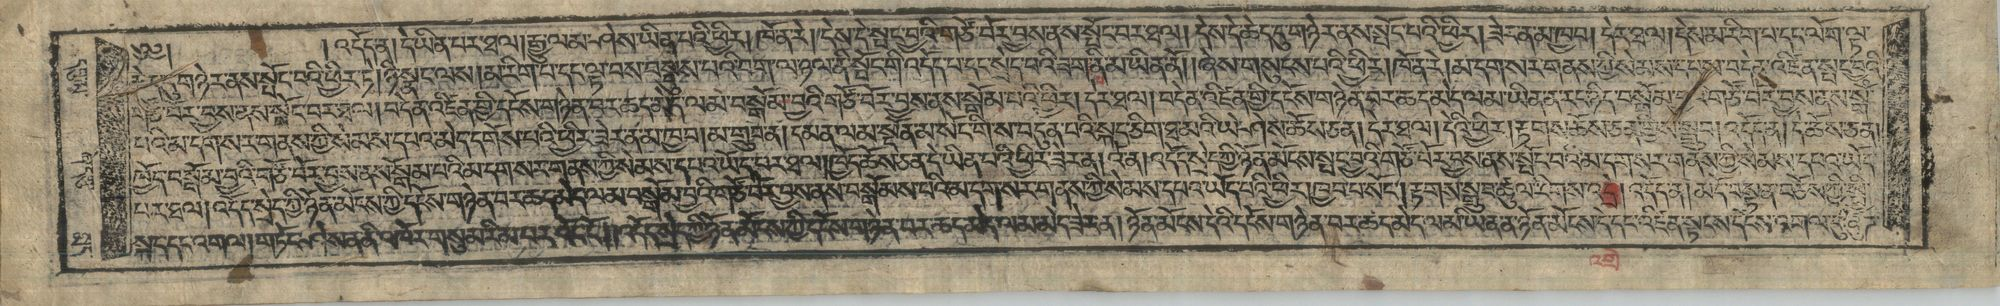༄༅། །འདོད་ན། དེ་ཡིན་པར་ཐལ། རྒྱུ་ལམ་ཤེས་ཡིན་པའི་ཕྱིར། ཁོ་ན་རེ། དེས་དེ་སྤང་བྱའི་གཙོ་བོར་བྱས་ནས་སྤོང་བར་ཐལ། དེས་དེ་ཆེད་དུ་གཉེར་ནས་སྤོང་བའི་ཕྱིར། ཟེར་ན་མ་ཁྱབ། དེར་ཐལ། དེས་མ་རིག་པ་དང་ལོག་ལྟ་
ཆེད་དུ་གཉེར་ནས་སྤོང་བའི་ཕྱིར་ཏེ། ཉི་སྣང་ལས། མ་རིག་པ་དང་ལྟ་བས་བསྡུས་པའི་བག་ལ་ཉལ་ནི་སྤོང་གི་འདོད་པ་དང་སྲེད་པའི་ཟག་ནི་མ་ཡིན་ནོ། །ཞེས་གསུངས་པའི་ཕྱིར། ཁོ་ན་རེ། མ་དག་སར་གནས་ཀྱི་སེམས་དཔས་བདེན་འཛིན་སྤང་བྱའི་
གཙོ་བོར་བྱས་ནས་སྤོང་བར་ཐལ། བདེན་འཛིན་གྱི་དངོས་གཉེན་བར་ཆད་མེད་ལམ་བསྒོམ་བྱའི་གཙོ་བོར་བྱས་ནས་སྒོམ་པའི་ཕྱིར། དེར་ཐལ། བདེན་འཛིན་གྱི་དངོས་གཉེན་བར་ཆད་མེད་ལམ་ཡིན་ན་རང་ཉིད་བསྒོམ་བྱའི་གཙོ་བོར་བྱས་ནས་སྒོ་
པའི་མ་དག་སར་གནས་ཀྱི་སེམས་དཔའ་མེད་དགོས་པའི་ཕྱིར་ཟེར་ན་མ་ཁྱབ། མ་གྲུབ་ན། དམན་ལམ་སྔོན་མ་སོང་གི་ས་བདུན་པའི་སྐད་ཅིག་ཐ་མའི་ཡེ་ཤེས་ཆོས་ཅན། དེར་ཐལ། དེའི་ཕྱིར། རྟགས་ཆོས་ཅན་གྱིས་སྒྲུབ། འདོད་ན། དེ་ཆོས་ཅན་
ཁྱོད་བསྒོམ་བྱའི་གཙོ་བོར་བྱས་ནས་སྒོམ་པའི་མ་དག་སར་གནས་ཀྱི་སེམས་དཔའ་ཡོད་པར་ཐལ། ཁྱོད་ཆོས་ཅན་དེ་ཡིན་པའི་ཕྱིར་ཟེར་ན། འོ་ན། འདོད་སྲེད་ཀྱི་ཉོན་མོངས་སྤང་བྱའི་གཙོ་བོར་བྱས་ནས་སྤོང་བའི་མ་དག་སར་གནས་ཀྱི་སེམས་དཔའ་ཡོད་
པར་ཐལ། འདོད་སྲེད་ཀྱི་ཉོན་མོངས་ཀྱི་དངོས་གཉེན་བར་ཆད་མེད་ལམ་བསྒོམ་བྱའི་གཙོ་བོར་བྱས་ནས་བསྒོམས་པའི་མ་དག་སར་གནས་ཀྱི་སེམས་དཔའ་ཡོད་པའི་ཕྱིར། ཁྱབ་པ་སོང་། རྟགས་སྒྲུབ་ཚུལ་རིགས་འགྲེ།འདོད་ན། མདོ་བསྟན་བཅོས་ཀྱི་སྤྱི་
སྐད་དང་འགལ། གཏོང་ཤེས་ན་ནི་འཁོར་གསུམ་རིམ་པར་འོང་ངོ། །འདོད་སྲེད་ཀྱི་ཉོན་མོངས་ཀྱི་དངོས་གཉེན་བར་ཆད་མེད་ལམ་མེད་ཟེར་ན། ཉོན་མོངས་དེའི་དངོས་གཉེན་བར་ཆད་མེད་ལམ་ཡིན་ན་ཉོན་མོངས་དེ་དང་འཛིན་སྟངས་དངོས་འགལ་དུ་ཞུགས་